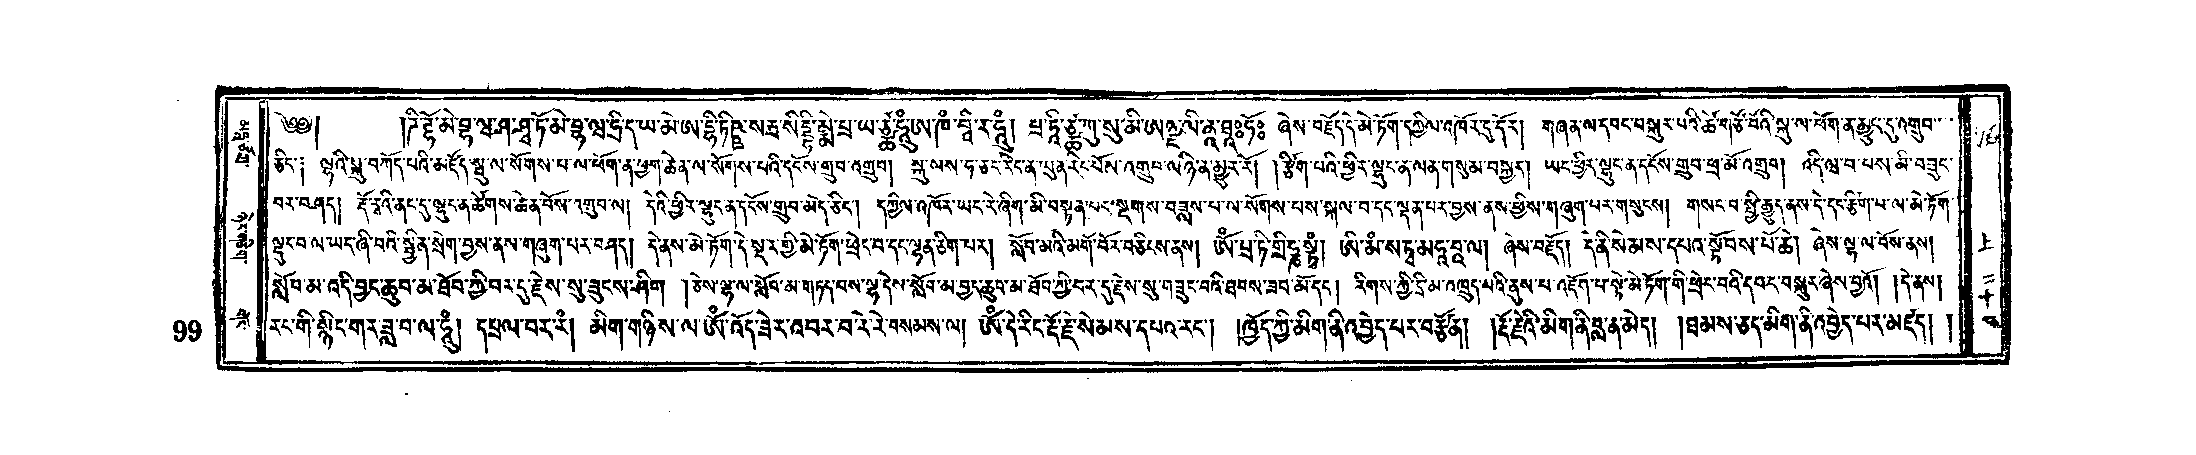༄༅། །ཌི་ཌྷོ་མེ་བྷ་ཝ་ཤ་ཤྭ་ཏོ་མེ་བྷ་ཝ་ཧྲི་ད་ཡ་མེ་དྷི་ཏིཥཊཿཨ་སརྦ་སིདྡྷི་མྨེ་པྲ་ཡ་ཙྪ་ཧཱུཾ་ཨ་ཁཾ་བཱི་ར་ཧཱུཾ། པྲ་ཏཱི་ཙྪ་ཀུ་སུ་མི་ཨཉྫ་ལི་ནཱ་ཐཱཿ ཧོཿ ཞེས་བརྗོད་དེ་མེ་ཏོག་དཀྱིལ་འཁོར་དུ་དོར། གཞན་ལ་དབང་བསྐུར་པའི་ཚེ་གཙོ་བོའི་སྐུ་ལ་ཕོག་ན་མྱུར་དུ་འགྲུབ་
ཅིང་། ལྷའི་སྐུ་བཀོད་པའི་མཛོད་སྤུ་ལ་སོགས་པ་ལ་ཕོག་ན་ཕྱག་ཆེན་ལ་སོགས་པའི་དངོས་གྲུབ་འགྲུབ། སྐུ་ལས་ཧ་ཅང་རིང་ན་ཡུན་རིང་པོས་འགྲུབ་ལ་ཉི་ན་མྱུར་རོ། །རྩིག་པའི་ཕྱིར་ལྷུང་ན་ལན་གསུམ་བསྐྱར། ཡང་ཕྱིར་ལྷུང་ན་དངོས་གྲུབ་ཕྲ་མོ་འགྲུབ། འདི་ཝ་བ་པས་མི་བཟུང་
བར་བཤད། རྡོ་རྭའི་ནང་དུ་ལྷུང་ན་ཚེགས་ཆེན་པོས་འགྲུབ་ལ། དེའི་ཕྱིར་ལྷུང་ན་དངོས་གྲུབ་མེད་ཅིང་། དཀྱིལ་འཁོར་ཡང་རེ་ཞིག་མི་བསྟན་པར་སྔགས་བཟླས་པ་ལ་སོགས་པས་སྐལ་བ་དང་ལྡན་པར་བྱས་ནས་ཕྱིས་གཞུག་པར་གསུངས། གསང་བ་སྤྱི་རྒྱུད་ནས་དེ་དང་རྩིག་པ་ལ་མེ་ཏོག་
ལྷུང་བ་ལ་ཡང་ཞི་བའི་སྦྱིན་སྲེག་བྱས་ནས་གཞུག་པར་བཤད། དེ་ནས་མེ་ཏོག་དེ་སྔར་གྱི་མེ་ཏོག་ཕྲེང་བ་དང་ལྷན་ཅིག་པར། སློབ་མའི་མགོ་བོར་བཅིངས་ནས། ཨོཾ་པྲ་ཏི་གྲིཧྞ་སྟྭཾ། ཨི་མཾ་སཏྭ་མཧཱ་བཱ་ལ། ཞེས་བརྗོད། དེ་ནི་སེམས་དཔའ་སྟོབས་པོ་ཆེ། ཞེས་ལྷ་ལ་བོས་ནས།
སློབ་མ་འདི་བྱང་ཆུབ་མ་ཐོབ་ཀྱི་བར་དུ་རྗེས་སུ་ཟུངས་ཤིག །ཅེས་ལྷ་ལ་སློབ་མ་གཏད་པས་ལྷ་དེས་སློབ་མ་བྱང་ཆུབ་མ་ཐོབ་ཀྱི་བར་དུ་རྗེས་སུ་གཟུང་བའི་ཐབས་ཟབ་མོ་དང་། རིགས་ཀྱི་དྲི་མ་འཁྲུད་པའི་ནུས་པ་འཇོག་པ་སྟེ་མེ་ཏོག་གི་ཕྲེང་བའི་དབང་བསྐུར་ཞེས་བྱའོ། །དེ་ནས།
རང་གི་སྙིང་གར་ཟླ་བ་ལ་ཧཱུཾ། དཔྲལ་བར་རཾ། མིག་གཉིས་ལ་ཨོཾ་འོད་ཟེར་འབར་བ་རེ་རེ་བསམས་ལ། ཨོཾ་དེ་རིང་རྡོ་རྗེ་སེམས་དཔའ་རང་། །ཁྱོད་ཀྱི་མིག་ནི་འབྱེད་པར་བརྩོན། །རྡོ་རྗེའི་མིག་ནི་བླ་ན་མེད། །ཐམས་ཅད་མིག་ནི་འབྱེད་པར་མཛད། །